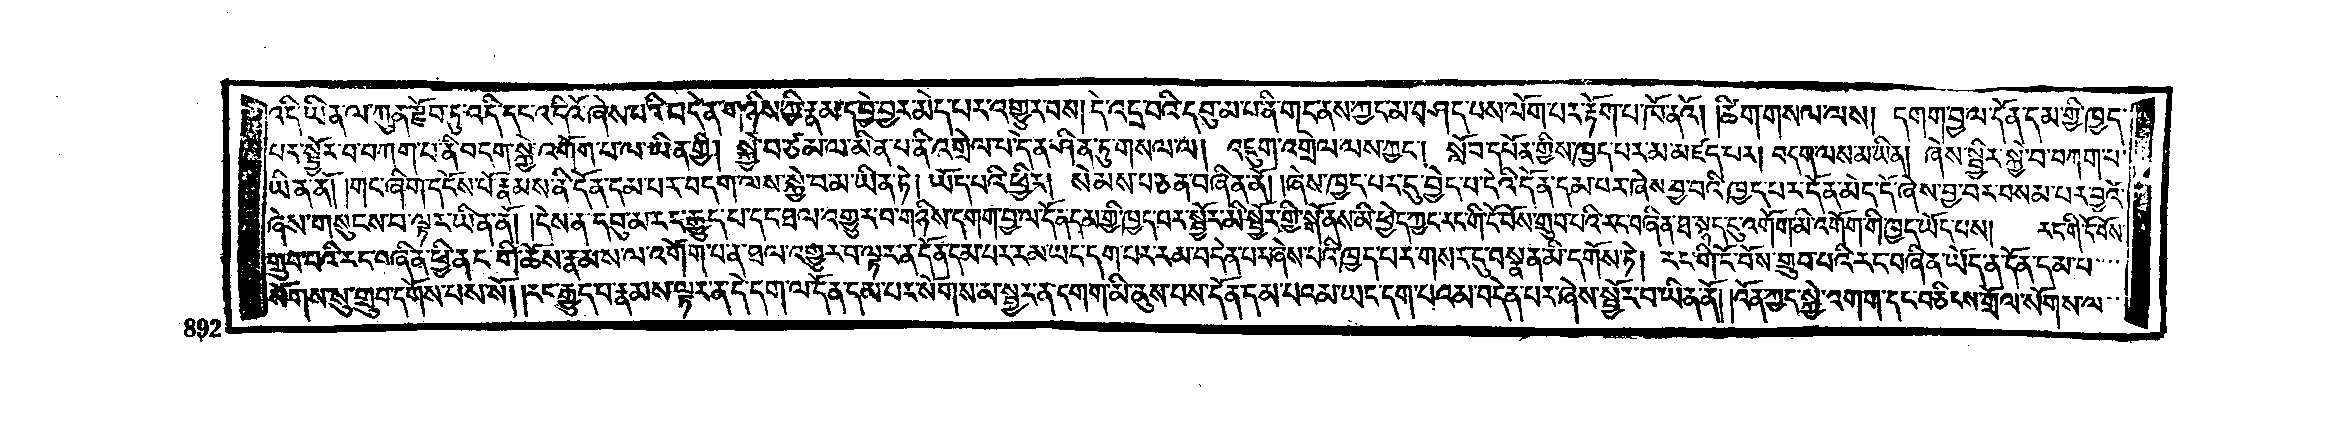འདི་ཡིན་ལ་ཀུན་རྫོབ་ཏུ་འདི་དང་འདིའོ་ཞེས་པའི་བདེན་གཉིས་ཀྱི་རྣམ་དབྱེ་བྱར་མེད་པར་འགྱུར་བས། དེ་འདྲ་བའི་དབུ་མ་པ་ནི་གང་ནས་ཀྱང་མ་བཤད་པས་ལོག་པར་རྟོག་པ་ཁོ་ནའོ། །ཚིག་གསལ་ལས། དགག་བྱ་ལ་དོན་དམ་གྱི་ཁྱད་
པར་སྦྱོར་བ་བཀག་པ་ནི་བདག་སྐྱེ་འགོག་པ་ལ་ཡིན་གྱི། སྐྱེ་བ་ཙམ་ལ་མིན་པ་ནི་འགྲེལ་པ་དེ་ན་ཤིན་ཏུ་གསལ་ལ། འཇུག་འགྲེལ་ལས་ཀྱང་། སློབ་དཔོན་གྱིས་ཁྱད་པར་མ་མཛད་པར། བདག་ལས་མ་ཡིན། ཞེས་སྤྱིར་སྐྱེ་བ་བཀག་པ་
ཡིན་ནོ། །གང་ཞིག་དངོས་པོ་རྣམས་ནི་དོན་དམ་པར་བདག་ལས་སྐྱེ་བ་མ་ཡིན་ཏེ། ཡོད་པའི་ཕྱིར། སེམས་པ་ཅན་བཞིན་ནོ། །ཞེས་ཁྱད་པར་དུ་བྱེད་པ་དེའི་དོན་དམ་པར་ཞེས་བྱ་བའི་ཁྱད་པར་དོན་མེད་དོ་ཞེས་བྱ་བར་བསམ་པར་བྱའོ་
ཞེས་གསུངས་པ་ལྟར་ཡིན་ནོ། །དེས་ན་དབུ་མ་རང་རྒྱུད་པ་དང་ཐལ་འགྱུར་བ་གཉིས་དགག་བྱ་ལ་དོན་དམ་གྱི་ཁྱད་པར་སྦྱོར་མི་སྦྱོར་གྱི་སྒོ་ནས་མི་ཕྱེད་ཀྱང་རང་གི་ངོ་བོས་གྲུབ་པའི་རང་བཞིན་ཐ་སྙད་དུ་འགོག་མི་འགོག་གི་ཁྱད་ཡོད་པས། རང་གི་ངོ་བོས་
གྲུབ་པའི་རང་བཞིན་ཕྱི་ནང་གི་ཆོས་རྣམས་ལ་འགོག་པ་ན་ཐལ་འགྱུར་བ་ལྟར་ན་དོན་དམ་པར་རམ་ཡང་དག་པར་རམ་བདེན་པར་ཞེས་པའི་ཁྱད་པར་གསར་དུ་བསྣན་མི་དགོས་ཏེ། རང་གི་ངོ་བོས་གྲུབ་པའི་རང་བཞིན་ཡོད་ན་དོན་དམ་པ་
སོགས་སུ་གྲུབ་དགོས་པས་སོ། །རང་རྒྱུད་པ་རྣམས་ལྟར་ན་དེ་དག་ལ་དོན་དམ་པར་སོགས་མ་སྦྱར་ན་དགག་མི་ནུས་པས་དོན་དམ་པའམ་ཡང་དག་པའམ་བདེན་པར་ཞེས་སྦྱོར་བ་ཡིན་ནོ། །འོན་ཀྱང་སྐྱེ་འགག་དང་བཅིངས་གྲོལ་སོགས་ལ་